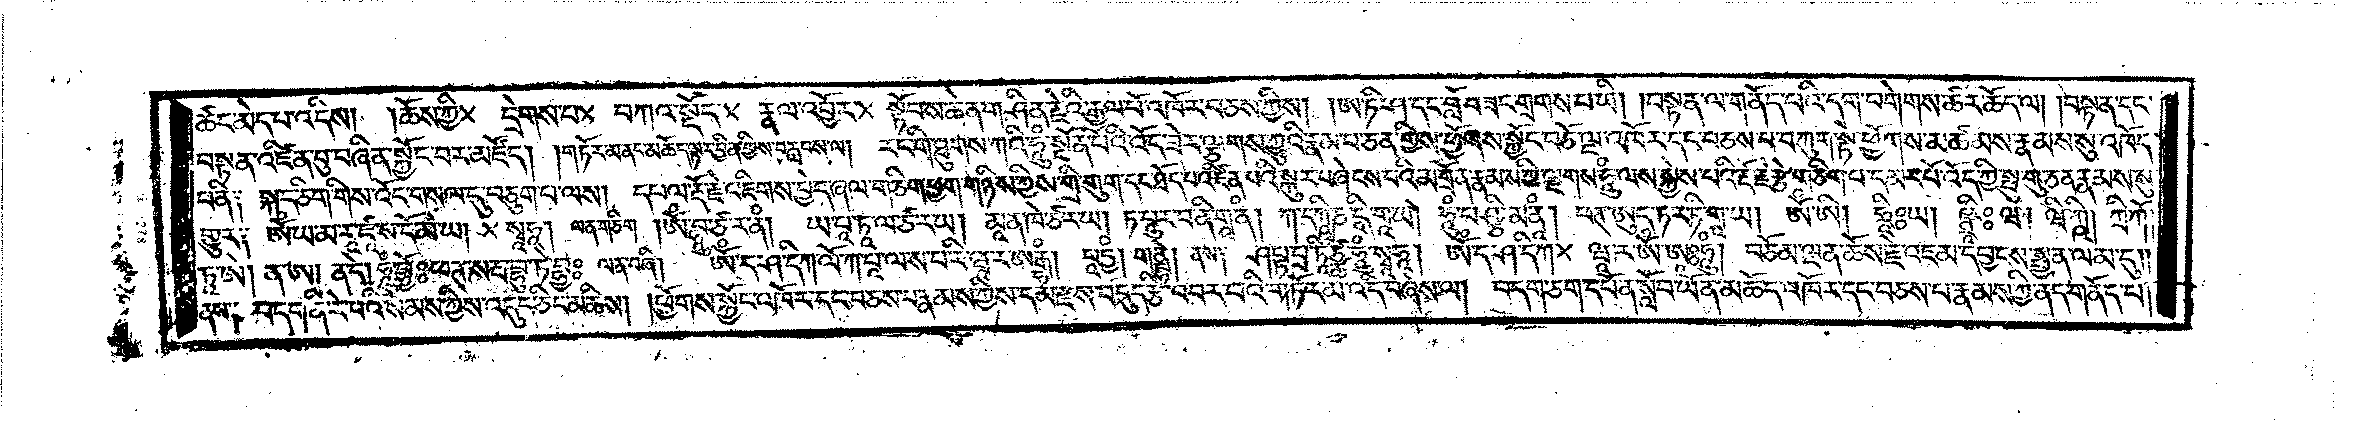ཚང་མེད་པ་འདིས། །ཆོས་གྱི྾་དྲེགས་པ྾་བཀའ་སྡོད྾་རྣལ་འབྱོར྾་སྟོབས་ཆེན་གཤིན་རྗེའི་རྒྱལ་པོ་འཁོར་བཅས་ཀྱིས། །ཨ་ཏི་ཤ་དང་བློ་བཟང་གྲགས་པ་ཡི། །བསྟན་ལ་གནོད་པའི་དག་བགེགས་ཚང་ཆོད་ལ། །བསྟན་དང་
བསྟན་འཛིན་བུ་བཞིན་སྐྱོང་བར་མཛོད། །གཏོར་མ་ནང་མཆོད་ལྟར་བྱིན་གྱིས་བརླབས་ལ།  རང་གི་ཐུགས་ཀའི་ཧཱུཾ་སྔོན་པོའི་འོད་ཟེར་ལྕགས་ཀྱུའི་རྣམ་པ་ཅན་གྱིས་ཕྱོགས་སྐྱོང་བཅོ་ལྔ་འཁོར་དང་བཅས་པ་བཀུར། སྟེ་ཕྱོགས་མཚམས་རྣམས་སུ་འཁོད་
པ་ནི༑ སྒད་ཅིག་གིས་འོད་གསལ་དུ་བཅུག་པ་ལས། །དཔལ་རྡོ་རྗེ་འཇིགས་བྱེད་ཞལ་གཅིག་ཕྱགས་གཉིས་ཀྱིས་གྲི་གུག་དང་ཐོད་པ་འཛིན་པའི་སྐུར་པ་བཞེངས་པའི་མགྲོན་རྣམས་ཀྱི་ལྗགས་ཧཱུཾ་ལས་སྐྱེས་པའི་རྡོ་རྗེ་རྩེ་གཅིག་པ་དམར་པོ་འོད་ཀྱི་སྤུ་གུ་ཅན་རྣམས་སུ་
གྱུར༑ ཨོཾ་ཡ་མ་རཱ་ཛཱ་ས་དོ་མ་ཡ། ྾་སྭཧཱ། ལན་གཅིག་།ཨོཾ་བྷཱུ་ཙ་ར་ནཾ། ཡ་པཱ་ཏཱ་ལ་ཚ་ར་ཡ། མཱ་ན་ཁེ་ཙ་ར་ཡ། ཏ་པཱུར་བ་ནི་གཱ་ནཾ། ཀ་དཀྵཎི་དཱི་གཱ་ཡ། ཧཱུཾ་པུཥྤེ་མ་ནཱཾ། ཕཊ་ཨུད་ཏར་ཏི་གཱ་ཡ། ཨོམ་ཨི། ཧྲཱིཿ ཡ། ཥྚྲཱིཿ ཝ། ཝི་ཀིཥ། ཀྲི་ཀོ་
ཏཱ་ཨེ། ན་ཨ། ན་དེ། ཧཱུཾ་བྷྱོཿ ཕཊ་སརྦ་བྷུ་ཏེ་བྷྱཿ། ལན་བཞི། ཨོཾ་ད་ཤ་དིལ་ལོ་ཨ་པཱ་ལ་ས་པ་རི་ཝཱ་ར་ཨརྒྷཾ། པཱ་བྱཾ། གནྡྷེ། ནས༑ ཤཔྟ་པྲ་ཏཱི་ཙྪ་ཧཱུཾ་སྭཧཱ། ཨོཾ་ད་ཤ་དིཀ྾་ཝཱ་ར་ཨོཾ་ཨཱཿ ཧཱུཾ། བཅོམ་ལྡན་ཆོས་རྗེ་འཇམ་དབྱངས་སྤྱན་ལམ་དུ།།
ནས༑ བདག་ནི་རེ་བའི་སེམས་ཀྱིས་འདུད་ཅིང་མཆིས། །ཕྱོགས་སྐྱོང་འཁོར་དང་བཅས་པ་རྣམས་ཀྱིས་དམ་རྫས་བདུད་རྩི་འབར་བའི་གཏོར་མ་འདི་བཞེས་ལ། བདག་ཅག་དཔོན་སློབ་ཡོན་མཆོད་འཁོར་དང་བཅས་པ་རྣམས་ཀྱི་ནད་གནོད་པ།